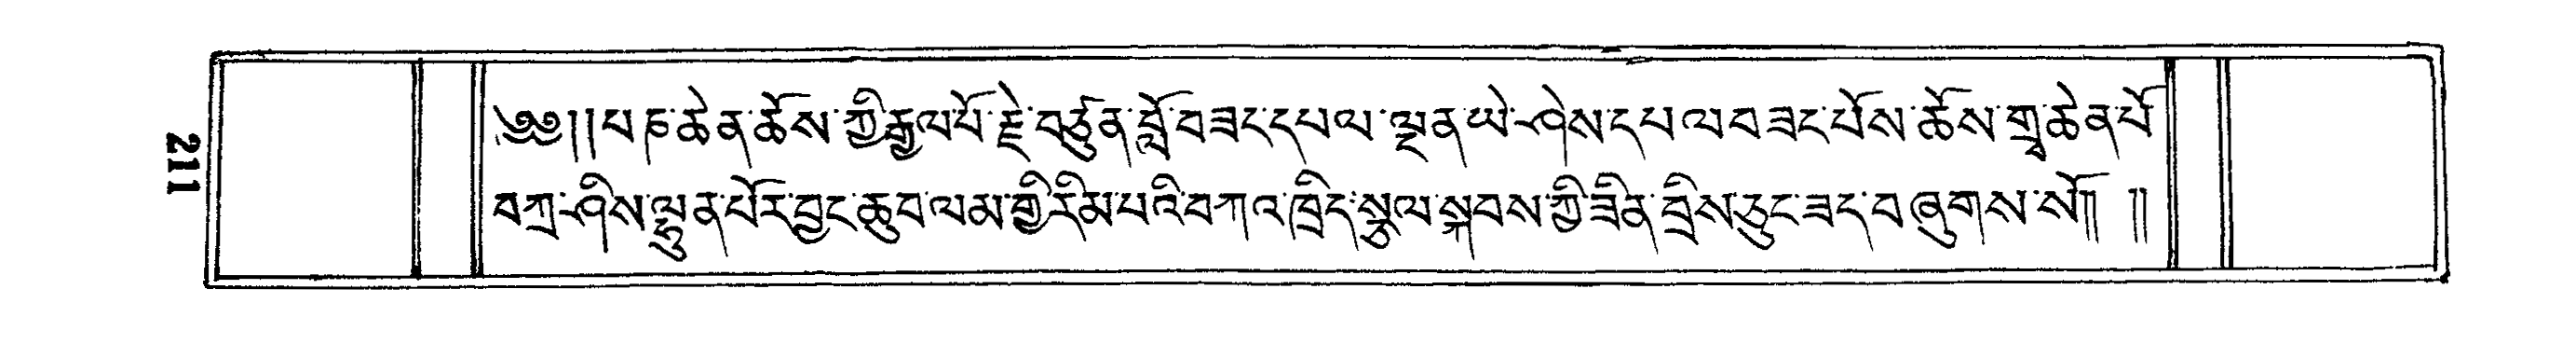༄༅། །པཎ་ཆེན་ཆོས་ཀྱི་རྒྱལ་པོ ༧རྗེ་བཙུན་བློ་བཟང་དཔལ་ལྡན་ཡེ་ཤེས་དཔལ་བཟང་པོས་ཆོས་གྲྭ་ཆེན་པོ་
བཀྲ་ཤིས་ལྷུན་པོར་བྱང་ཆུབ་ལམ་གྱི་རིམ་པའི་བཀའ་ཁྲིད་སྩལ་སྐབས་ཀྱི་ཟིན་བྲིས་ཅུང་ཟད་བཞུགས་སོ། །